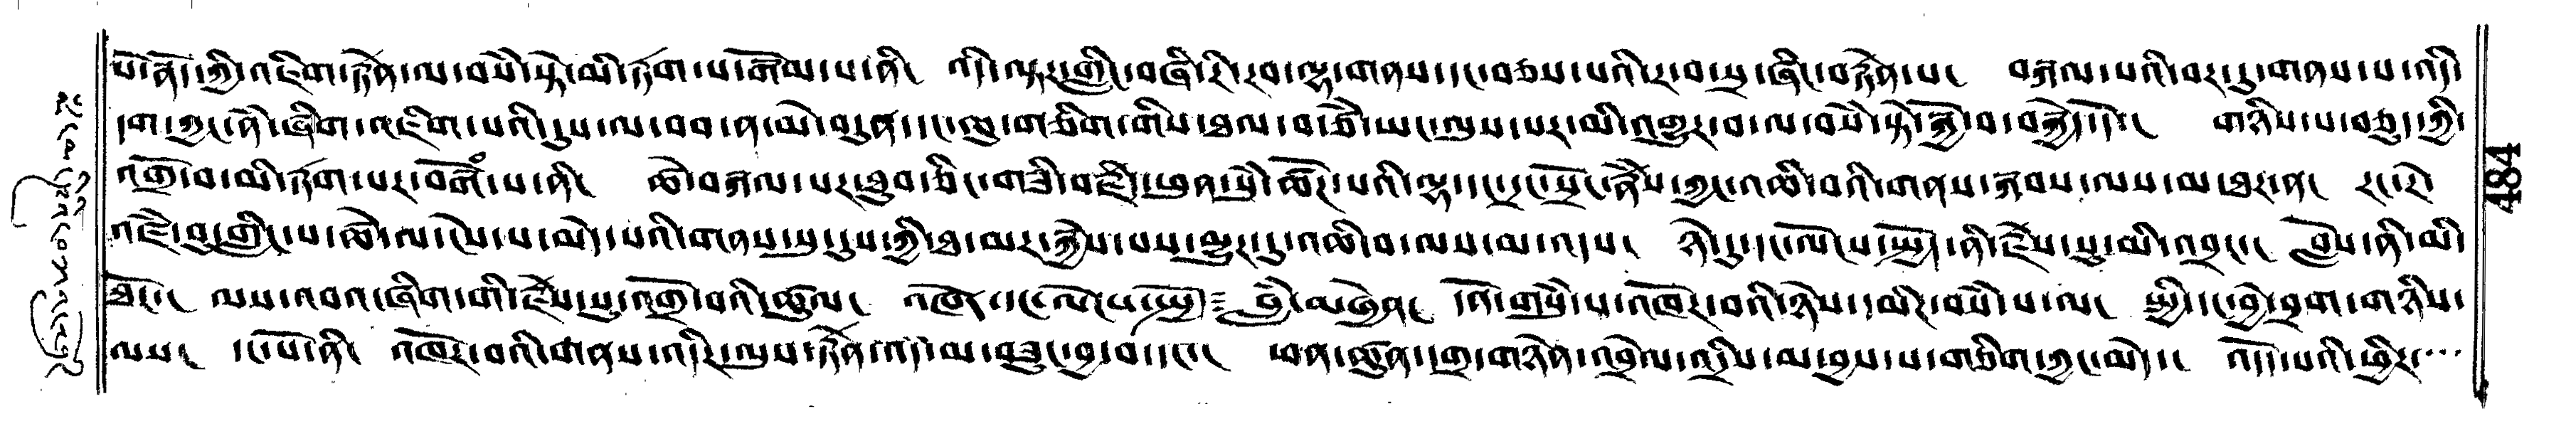པོ་སྣོད་ཀྱི་འཇིག་རྟེན་ལ་བསམ་སྟེ་མི་རྟག་པ་སྒོམ་པ་ནི། འདི་ལྟར་གླིང་བཞི་རི་རབ་ལྷ་གནས་དང་བཅས་པའི་ར་བ་སྲ་ཞིང་བརྟན་པ། བསྐལ་པའི་བར་དུ་གནས་པ་འདི་
དག་ཀྱང་ནམ་ཞིག་འཇིག་པའི་དུས་ལ་བབ་ན་མེ་བདུན་དང་ཆུ་གཅིག་གིས་ཐལ་བ་ཙམ་ཡང་ལུས་པར་མི་འགྱུར་བ་ལ་བསམ་སྟེ་སྐྱོ་བ་བསྐྱེད་དོ། གཉིས་པ་བཅུད་ཀྱི་
འགྲོ་བ་མི་རྟག་པར་སྒོམ་པ་ནི།ཚེ་བསྐལ་པར་ཐུབ་ཅིང་གཟི་བརྗིད་ཕུན་སུམ་ཚོགས་པའི་ལྷ་དང་དྲང་སྲོང་རྣམས་ཀྱང་འཆི་བའི་གནས་སྐབས་ལས་མ་ཐར་ན། རང་རེ་
འཛམ་བུ་གླིང་པ་ཚེ་ལ་ངེས་པ་མེད་པའི་གནས་སུ་དུས་ཀྱི་ཐ་མར་སྐྱེས་པས་མྱུར་དུ་འཆི་བ་ལས་མ་འདས། ཉེ་དུ་དང་ལོངས་སྤྱོད་ནི་རྗེས་སུ་མི་འབྲང་། བློས་ནི་མི་
ཐོངས། ལས་འབའ་ཞིག་གིས་རྗེས་སུ་འགྲོ་བའི་ཚུལ། འཁོར་དང་ལོངས་སྤྱོད༴ བླ་མ་མཁྱེན༴ དོན་གསུམ་པ་འཁོར་བའི་ཉེས་དམིགས་བསམ་པ་ལ། སྤྱི་དང་བྱེ་བྲག་གཉིས་
ལས། དང་པོ་ནི། འཁོར་བའི་གནས་འདིར་ལུས་རྟེན་འདི་མ་བཟུང་བྱ་བ་དང་། ཕན་ཚུན་དགྲ་གཉེན་འབྲེལ་འདྲིས་མ་བྱས་པ་གཅིག་ཀྱང་མེད། འདོད་པའི་ཕྱིར་